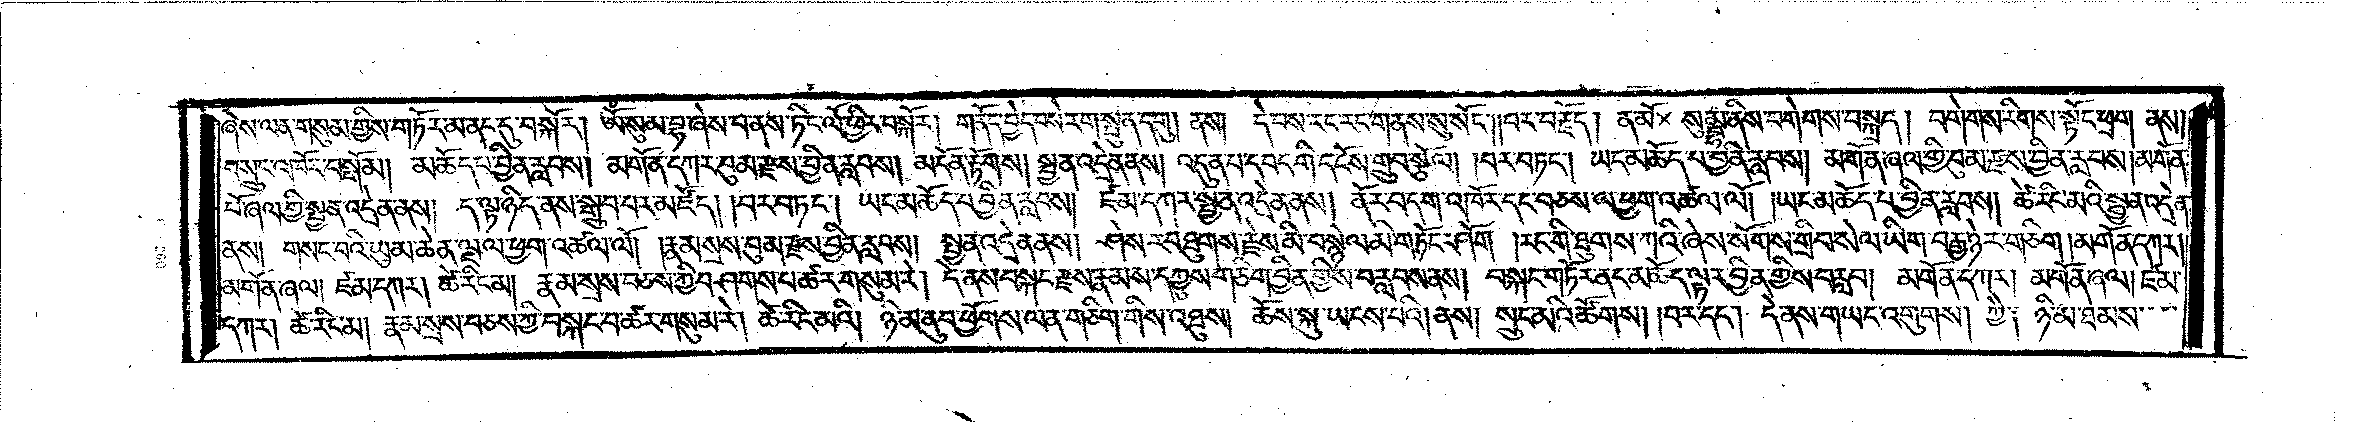ཞེས་ལན་གསུམ་གྱིས་གཏོར་མ་ནང་དུ་བསྐོར། ཨོཾ་སུ་མ་བྷ་ཞེས་བ་ནས་ཏིང་ལོ་ཕྱིར་བསྐོར། གནོད་བྱེད་བསེ་རག་སྤུན་དགུ ། ནས། དེ་པས་རང་རང་གནས་སུ་སོང་། །བར་བརྗོད། ན་མོ྾་སུམྦྷ་ནིས་བགེགས་བསྐྲད། བགེགས་རིགས་སྟོང་ཕྲག་ནས།
བསྲུང་འཁོར་བསྒོམ། མཆོད་པ་བྱིན་རླབས། མགོན་དཀར་བུམ་རྫས་བྱིན་རླབས། མངོན་རྟོགས། སྤྱན་འདྲེན་ནས། འདུན་པ་དབང་གི་དངོས་གྲུབ་སྩོལ། །བར་བཏང་། ཡང་མཆོད་པ་བྱིན་རླབས། མགོན་ཞལ་གྱི་བུམ་རྫས་བྱིན་རླབས། མགོན་
པོ་ཞལ་གྱི་སྤྱན་འདྲེན་ནས། ད་ལྟ་ཉིད་ནས་སྒྲུབ་པར་མཛོད། །བར་བཏང་། ཡང་མཆོད་པ་བྱིན་རླབས། རྫ་མ་དཀར་སྤྱན་འདྲེན་ནས། ནོར་བདག་འཁོར་དང་བཅས་ལ་ཕྱག་འཚལ་ལོ། །ཡང་མཆོད་པ་བྱིན་རླབས། ཚེ་རིང་མའི་སྤྱན་འདྲེན་
ནས། གསང་བའི་ཡུམ་ཆེན་ལྔ་ལ་ཕྱག་འཚལ་ལོ། །རྣམ་སྲས་བུམ་རྫས་བྱིན་རླབས། སྤྱན་འདྲེན་ནས། ཤེས་རབ་ཐུགས་རྗེས་མི་བསྙེལ་མི་གཏོང་ཤོག །རང་གི་ཐུགས་ཀའི་ཞེས་སོགས་གྲིབ་སེལ་ཡིག་བརྒྱ་ཉེར་གཅིག །མགོན་དཀར།
མགོན་ཞལ། ཛམ་དཀར། ཚེ་རིང་མ། རྣམ་སྲས་བཅས་ཀྱི་བཤགས་པ་ཚར་གསུམ་རེ། དེ་ནས་བསྐང་རྫས་རྣམས་དཀྱུས་གཅིག་བྱིན་གྱིས་བརླབས་ནས། བསྐང་གཏོར་ནང་མཆོད་ལྟར་བྱིན་གྱིས་བརླབས། མགོན་དཀར། མགོན་ཞལ། ཛ་མ་
དཀར། ཚེ་རིང་མ། རྣམ་སྲས་བཅས་ཀྱི་བསྐང་བ་ཚར་གསུམ་རེ། ཚེ་རིང་མའི། ཉི་མ་ནུབ་ཕྱོགས་ལན་གཅིག་གིས་འཐུས། ཆོས་སྐུ་ཡངས་པའི། ནས། སྲུང་མའི་ཚོགས། །བར་དང་། དེ་ནས་གཡང་འགུགས། ཀྱཻ༑ ཉི་མ་ཐམས་